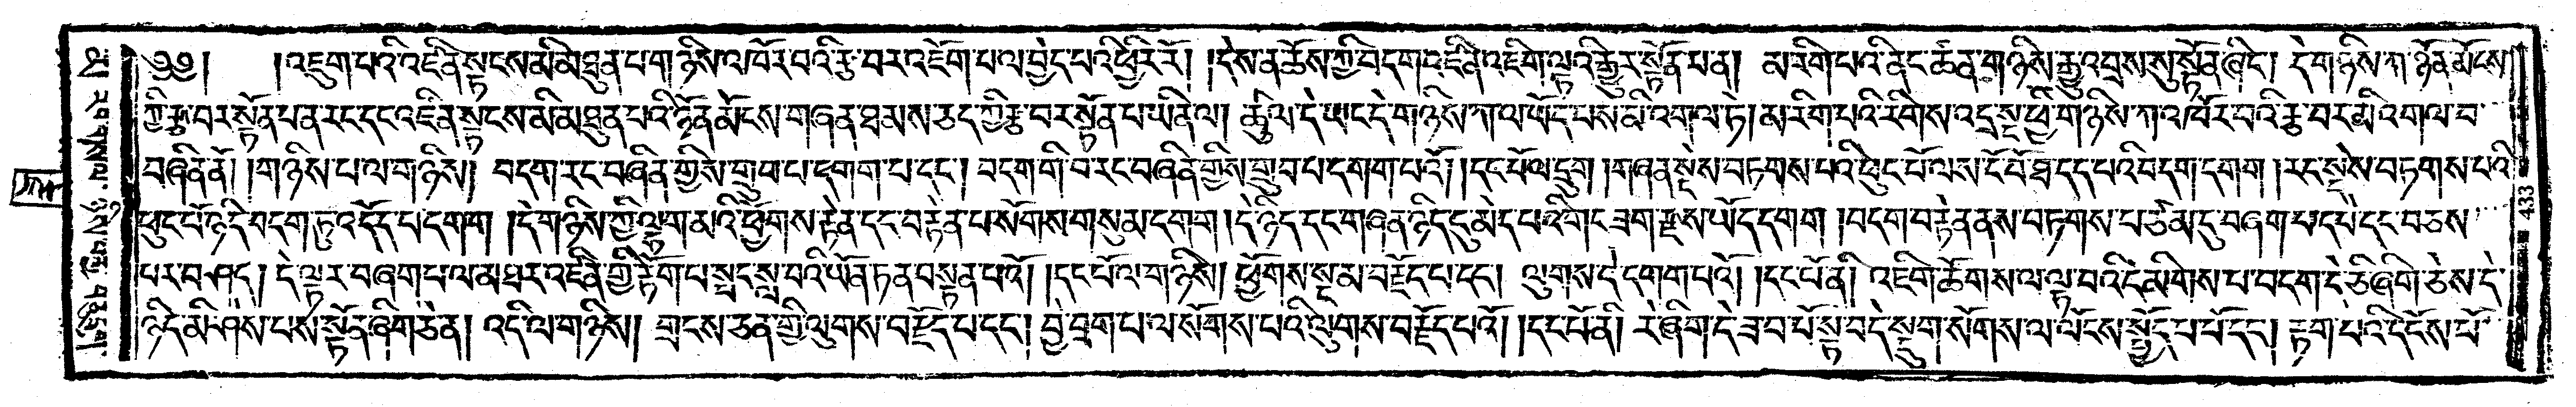འཇུག་པའི་འཛིན་སྟངས་མི་མཐུན་པ་གཉིས་འཁོར་བའི་རྩ་བར་འཇོག་པ་ལ་བྱེད་པའི་ཕྱིར། །དེས་ན་ཆོས་ཀྱི་བདག་འཛིན་འཇིག་ལྟའི་རྒྱུར་སྟོན་པ་ན། མ་རིག་པའི་ནང་ཚན་གཉིས་རྒྱུ་འབྲས་སུ་སྟོན་ཞིང་། དེ་གཉིས་ཀ་ཉོན་མོངས་
ཀྱི་རྩ་བར་སྟོན་པ་ན་རང་དང་འཛིན་སྟངས་མི་མཐུན་པའི་ཉོན་མོངས་གཞན་ཐམས་ཅད་ཀྱི་རྩ་བར་སྟོན་པ་ཡིན་ལ། ཚུལ་དེ་ཡང་དེ་གཉིས་ཀ་ལ་ཡོད་པས་མི་འགལ་ཏེ། མ་རིག་པའི་རིགས་འདྲ་སྔ་ཕྱི་གཉིས་ཀ་འཁོར་བའི་རྩ་བར་མི་འགལ་བ་
བཞིན་ནོ། །གཉིས་པ་ལ་གཉིས། བདག་རང་བཞིན་གྱིས་གྲུབ་པ་དགག་པ་དང་། བདག་གི་བ་རང་བཞིན་གྱིས་གྲུབ་པ་དགག་པའོ། །དང་པོ་ལ་དྲུག །གཞན་སྡེས་བཏགས་པའི་ཕུང་པོ་ལས་ངོ་བོ་ཐ་དད་པའི་བདག་དགག །རང་སྡེས་བཏགས་པའི་
ཕུང་པོ་ཉིད་བདག་ཏུ་འདོད་པ་དགག །དེ་གཉིས་ཀྱི་ལྷག་མའི་ཕྱོགས་རྟེན་དང་བརྟེན་པ་སོགས་གསུམ་དགག །དེ་ཉིད་དང་གཞན་ཉིད་དུ་མེད་པའི་གང་ཟག་རྫས་ཡོད་དགག །བདག་བརྟེན་ནས་བཏགས་པ་ཙམ་དུ་བཞག་པ་དཔེ་དང་བཅས་
པར་བཤད། དེ་ལྟར་བཞག་པ་ལ་མཐར་འཛིན་གྱི་རྟོག་པ་སྤང་སླ་བའི་ཡོན་ཏན་བསྟན་པའོ། །དང་པོ་ལ་གཉིས། ཕྱོགས་སྔ་མ་བརྗོད་པ་དང་། ལུགས་དེ་དགག་པའོ། །དང་པོ་ནི། འཇིག་ཚོགས་ལ་ལྟ་བའི་དམིགས་པ་བདག་དེ་ཅི་ཞིག་ཅེས་དེ་
ཉིད་མི་ཤེས་པས་སྟོན་ཞིག་ཅེ་ན། འདི་ལ་གཉིས། གྲངས་ཅན་གྱི་ལུགས་བརྗོད་པ་དང་། བྱེ་བྲག་པ་ལ་སོགས་པའི་ལུགས་བརྗོད་པའོ། །དང་པོ་ནི། རེ་ཞིག་དེ་ཟ་བ་པོ་སྟེ་བདེ་སྡུག་སོགས་ལ་ལོངས་སྤྱོད་པ་པོ་དང་། རྟག་པའི་དངོས་པོ་